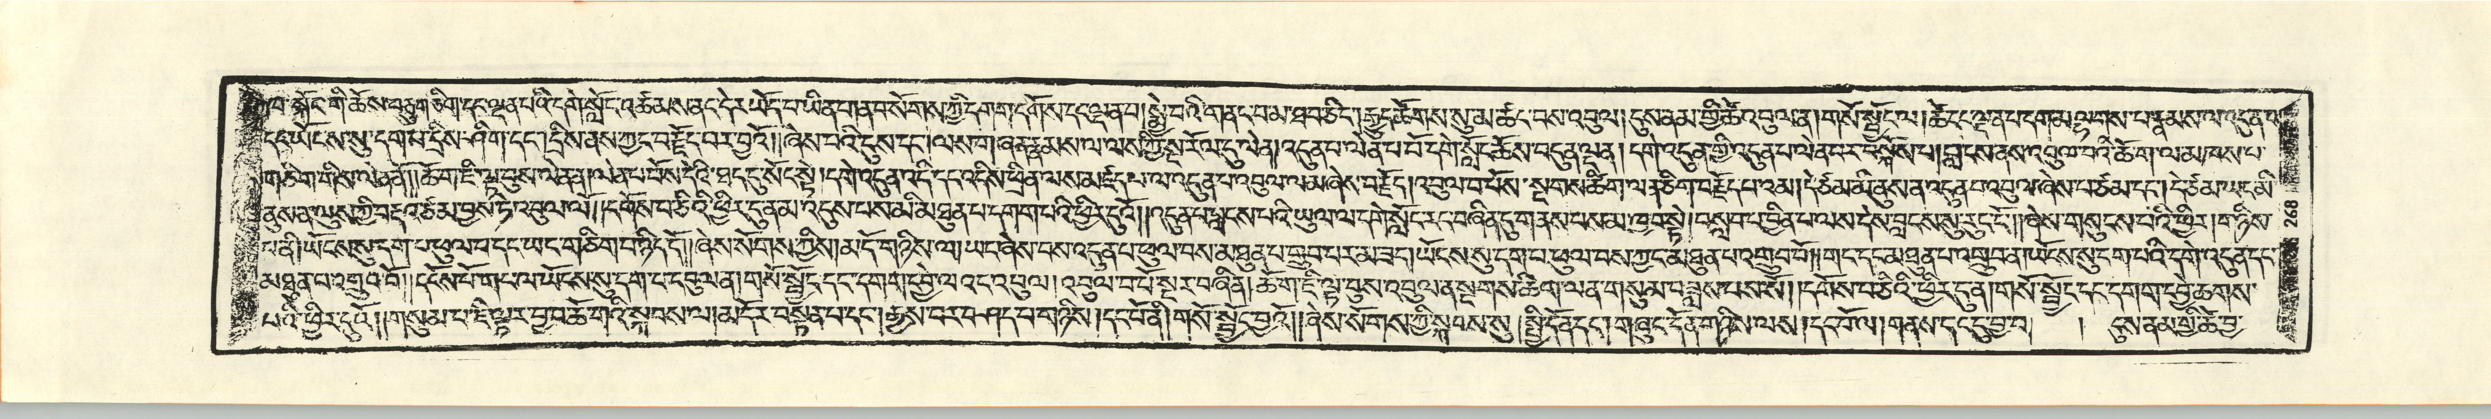ཁ་སྐོང་གི་ཆོས་བཅུག་ཅིག་དང་ལྡན་པའི་དགེ་སློང་འཚམས་ནང་དེར་ཡོད་པ་ཡིན་པ། ན་བ་སོགས་ཀྱི་དགག་དགོས་དང་ལྡན་པ། སྨྱེ་བའི་གནང་བ་མ་ཐབ་ཅིང་། རྒྱུད་ཚོགས་སུ་མ་ཚང་བས་འབུལ། དུས་ནམ་གྱི་ཚེ་འབུལ་ན། གསོ་སྦྱོང་ལ། ཚེ་དང་ལྡན་པ་དག་མ་ལྷགས་པ་རྣམས་ལ་འདུན་བ་
དང་ཡོངས་སུ་དག་པ་དྲིས་ཤིག་དང་། དྲིས་ནས་ཀྱང་བརྗོད་པར་བྱའོ། །ཞེས་པའི་དུས་དང་། ལས་གཞན་རྣམས་ལ་ལས་ཀྱི་སྔ་རོལ་དུ་ལེན། འདུན་པ་ལེན་པ་པོ་དགེ་སློང་ཆོས་བདུན་ལྡན། དགེ་འདུན་གྱི་འདུན་པ་ལེན་པར་བསྐོས་པ། བླངས་ནས་འབུལ་བའི་ཆོ་ག་ལ་མཁས་པ་
གཅིག་གིས་ལེན་ནོ། །ཆོ་ག་ཇི་ལྟ་བུས་ལེན་ན། ལེན་པ་པོས་དེའི་ཐད་དུ་སོང་སྟེ། དགེ་འདུན་འདི་དང་འདིས་ཕྲིན་ལས་མཛད་པ་ལ་འདུན་པ་འབུལ་ལམ་ཞེས་བརྗོད། འབུལ་བ་པོས་སྔགས་ཚིག་ལན་ཅིག་བརྗོད་པའམ། དེ་ཙམ་མི་ནུས་ན་འདུན་པ་འབུལ་ཞེས་པ་ཙམ་དང་། དེ་ཙམ་ཡང་མི་
ནུས་ན་ལུས་ཀྱི་བརྡའ་ཙམ་བྱས་ཏེ་འབུལ་ལོ། །དགོས་པ་ཅིའི་ཕྱིར་དུ་ནམ་འདུས་པས་མི་མཐུན་པ་དགག་པའི་ཕྱིར་དུའོ། །འདུན་པ་བླངས་པའི་ཡུལ་ལ་དགེ་སློང་རང་བཞིན་དུ་གནས་པས་མ་ཁྱབ་སྟེ། བསླབ་པ་བྱིན་པ་ལས་དེས་བླངས་སུ་རུང་ངོ། །ཞེས་གསུངས་པའི་ཕྱིར། གཉིས་
པ་ནི། ཡོངས་སུ་དག་པ་ཕུལ་པ་དང་ཡང་གཅིག་པ་ཉིད་དོ། །ཞེས་སོགས་ཀྱིས། མདོ་གཉིས་ལ། ཡང་ཞེས་བས་འདུན་པ་ཕུལ་བས་མཐུན་པ་གྲུབ་པར་མ་ཟད། ཡོངས་སུ་དག་པ་ཕུལ་བས་ཀྱང་མཐུན་པ་འགྲུབ་བོ། །གང་དང་མཐུན་པ་འགྲུབ་ན། ཡོངས་སུ་དག་པའི་དགེ་འདུན་དང་
མཐུན་པ་འགྲུབ་བོ། །དངོས་པོ་གང་ལ་ཡོངས་སུ་དག་པ་དབུལ་ན། གསོ་སྦྱོང་དང་དགག་དབྱེ་ལའང་འབུལ། འབུལ་བ་པོ་སྔར་བཞིན། ཆོ་ག་ཇི་ལྟ་བུས་འབུལ་ན་སྔགས་ཚིག་ལན་གསུམ་བཟླས་པས་སོ། །དགོས་པ་ཅིའི་ཕྱིར་དུ་ན། གསོ་སྦྱོང་དང་དགག་དབྱེ་ཆགས་
པའི་ཕྱིར་དུའོ། །གསུམ་པ་ཇི་ལྟར་བྱ་བ་ཆོ་གའི་སྐབས་ལ། མདོར་བསྟན་པ་དང་། རྒྱས་བར་བཤད་པ་གཉིས། དང་པོ་ནི། གསོ་སྦྱོང་བྱའོ། །ཞེས་སོགས་ཀྱི་སྐབས་སུ། སྤྱི་དོན་དང་། གཞུང་དོན་གཉིས་ལས། དང་པོ་ལ། གནས་དང་དུ་བྱ་བ། །དུས་ནམ་གྱི་ཚེ་བྱ་